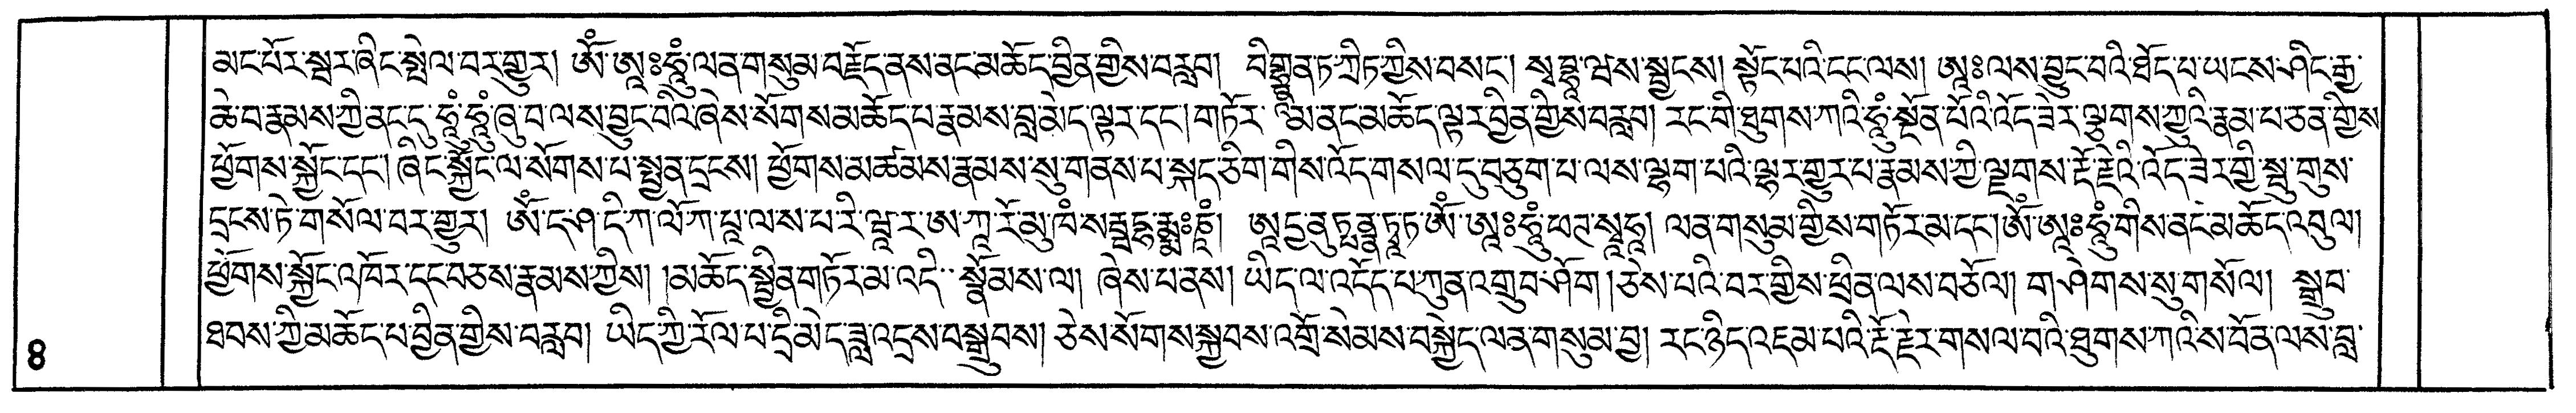མང་པོར་སྦར་ཞིང་སྤེལ་བར་གྱུར། ཨོཾ་ཨཱཿ ཧཱུཾ་ལན་གསུམ་བརྗོད་ནས་ནང་མཆོད་བྱིན་གྱིས་བརླབ། བིགྷྣན་ཏ་ཀྲིཏ་ཀྱིས་བསང་། སྭ་བྷཱ་ཝས་སྦྱངས། སྟོང་པའི་ངང་ལས། ཨཱཿ ལས་བྱུང་བའི་ཐོད་པ་ཡངས་ཤིང་རྒྱ་
ཆེ་བ་རྣམས་ཀྱི་ནང་དུ་ཧཱུཾ་ཧཱུཾ་ཞུ་བ་ལས་བྱུང་བའི་ཞེས་སོགས་མཆོད་པ་རྣམས་བླ་མེད་ལྟར་དང་། གཏོར་མ་ནང་མཆོད་ལྟར་བྱིན་གྱིས་བརླབ། རང་གི་ཐུགས་ཀའི་ཧཱུཾ་སྔོན་པོའི་འོད་ཟེར་ལྕགས་ཀྱུའི་རྣམ་པ་ཅན་གྱིས་
ཕྱོགས་སྐྱོང་དང་། ཞིང་སྐྱོང་ལ་སོགས་པ་སྤྱན་དྲངས། ཕྱོགས་མཚམས་རྣམས་སུ་གནས་པ་སྐད་ཅིག་གིས་འོད་གསལ་དུ་བཅུག་པ་ལས་ལྷག་པའི་ལྷར་གྱུར་པ་རྣམས་ཀྱི་ལྗགས་རྡོ་རྗེའི་འོད་ཟེར་གྱི་སྦུ་གུས་
དྲངས་ཏེ་གསོལ་བར་གྱུར། ཨོཾ་ད་ཤ་དི་ཀ་ལོ་ཀ་པཱ་ལ་ས་པ་རི་ཝཱ་ར་ཨ་ཀཱ་རོ་མུ་ཁཾ་སརྦྦ་དྷ་རྨྨཿ ཎཱཾ། ཨཱ་དྱ་ནུ་ཏྤ་ནྣ་ཏྭཱ་ཏ་ཨོཾ་ཨཱཿ ཧཱུཾ་ཕཊ་སྭཱ་ཧཱ། ལན་གསུམ་གྱིས་གཏོར་མ་དང་། ཨོཾ་ཨཱཿ ཧཱུཾ་གིས་ནང་མཆོད་འབུལ།
ཕྱོགས་སྐྱོང་འཁོར་དང་བཅས་རྣམས་ཀྱིས། །མཆོད་སྦྱིན་གཏོར་མ་འདི་སྣོམས་ལ། ཞེས་པ་ནས། ཡིད་ལ་འདོད་པ་ཀུན་འགྲུབ་ཤོག །ཅེས་པའི་བར་གྱིས་ཕྲིན་ལས་བཅོལ། གཤེགས་སུ་གསོལ། སྒྲུབ་
ཐབས་ཀྱི་མཆོད་པ་བྱིན་གྱིས་བརླབ། ཡིད་ཀྱི་རོལ་པ་དྲི་མེད་ཟླ་འདྲས་བསྒྲུབས། ཅེས་སོགས་སྐྱབས་འགྲོ་སེམས་བསྐྱེད་ལན་གསུམ་བྱ། རང་ཉིད་འཇམ་པའི་རྡོ་རྗེར་གསལ་བའི་ཐུགས་ཀའི་ས་བོན་ལས་བླ་